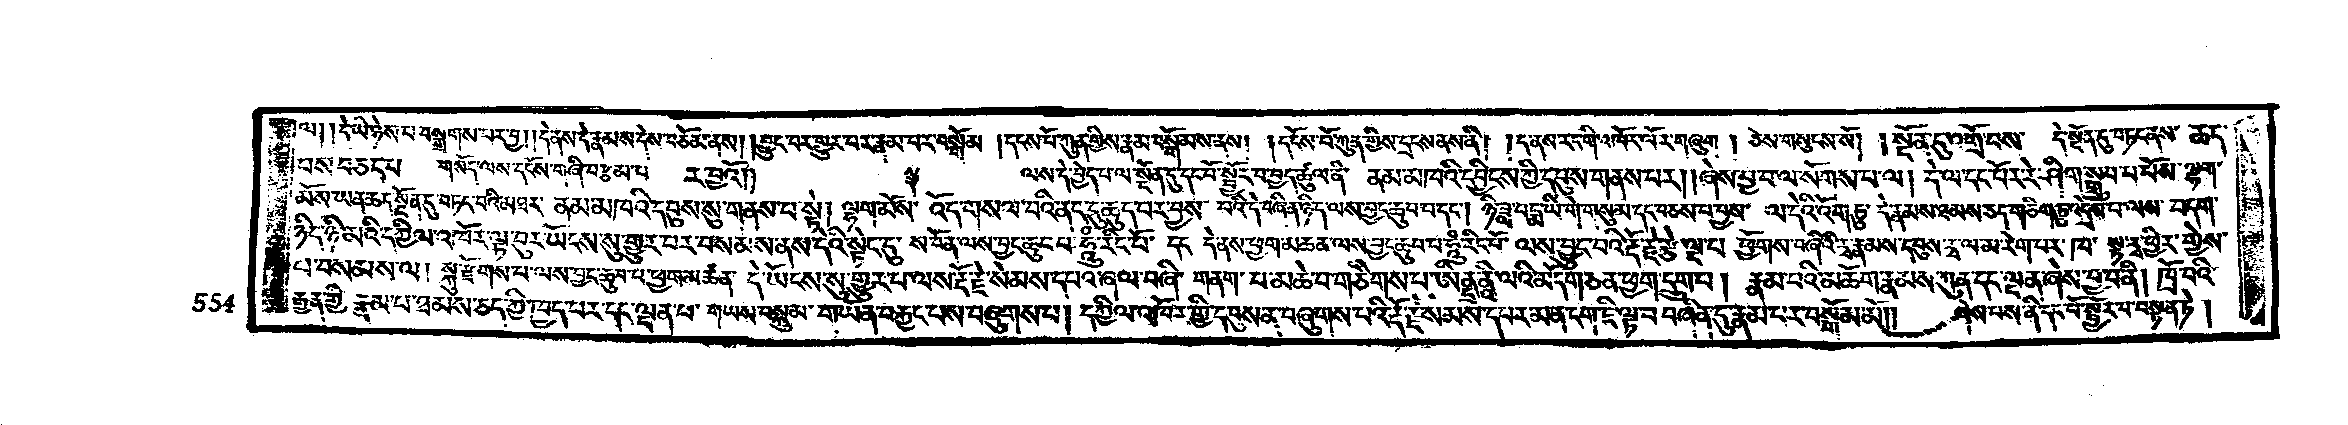ལ། །དེ་ཡི་ཉེས་པ་བསྒྲོགས་པར་བྱ། །དེ་ནས་དེ་རྣམས་དེས་བཅོམ་ནས། །བྱུང་བར་གྱུར་བར་རྣམ་པར་བསྒོམ་།དངོས་པོ་ཀུན་གྱིས་རྣམ་བསྒོམས་ནས། །དངོས་པོ་ཀུན་གྱིས་དྲངས་ནས་ནི། །ད་ནས་རང་གི་འཁོར་ལོར་གཞུག །ཅེས་གསུངས་སོ། །སྔོན་དུ་འགྲོ་བས་དེ་སྔོན་དུ་བཏང་ནས་ཆད་
པས་བཅད་པ་གསོད་ལས་དངོས་གཞི་བརྩམ་པར་བྱའོ།། ༈ ལས་དེ་བྱེད་པ་ལ་སྔོན་དུ་དང་པོ་སྦྱོར་བ་བྱད་ཚུལ་ནི་ནམ་མཁའི་དབྱིངས་ཀྱི་དབུས་གནས་པར། །ཞེས་བྱ་བ་ལ་སོགས་པ་ལ། དེ་ལ་དང་པོར་རེ་ཤིག་སྒྲུབ་པ་པོས་ལྷག་
མོས་ཡན་ཆད་སྔོན་དུ་བཏང་བའི་མཐར་ནམ་མཁའི་དབུས་སུ་གནས་པ་སྟེ། ལྷག་མོས་འོད་གསལ་བའི་ནང་དུ་ཆུད་པར་བྱས་པའི་དེ་བཞིན་ཉིད་ལས་བྱང་ཆུབ་པ་དང་། ཉི་ཟླ་པདམ་ཡི་གེ་གསུམ་དང་བཅས་པ་བྱས་ལ་དེའི་འོག་ཏུ་དེ་རྣམས་ཐམས་ཅད་གཅིག་ཏུ་འདྲེས་པ་ལས་བདག་
ཉིད་ཉི་མའི་དཀྱིལ་འཁོར་ལྟ་བུར་ཡོངས་སུ་གྱུར་པར་བསམས་ནས་དེའི་སྟེང་དུ་ས་བོན་ལས་བྱང་ཆུབ་པ་ཧཱུཾ་རིང་པོ་དང་དེ་ནས་ཕྱག་མཚན་ལས་བྱང་ཆུབ་པ་ཧཱུཾ་རིང་པོ་ལས་བྱུང་བའི་རྡོ་རྗེ་རྩེ་ལྔ་པ་ཕྱོགས་བཞིའི་རྭ་རྣམས་དབུས་རྭ་ལ་མ་རག་པར་ཁ་སྟེ་རྭ་ཕྱིར་གྱེས་
པ་བསམས་ལ། སྐུ་རྫོགས་པ་ལས་བྱང་ཆུབ་པ་ཕྱག་མཚན་དེ་ཡོངས་སུ་གྱུར་པ་ལས་རྡོ་རྗེ་སེམས་དཔའ་ཞལ་བཞི་གནག་པ་མཆེ་བ་གཅིགས་པ་ཨིནྡྲ་ནཱི་ལའི་མདོག་ཅན་ཕྱག་དྲུག་པ། རྣམ་པའི་མཆོག་རྣམས་ཀུན་དང་ལྡན་ཞེས་བྱ་བ་ནི། ཁྲོ་བའི་
རྒྱན་གྱི་རྣམ་པ་ཐམས་ཅད་ཀྱི་ཁྱད་པར་དང་ལྡན་པ་གཡས་བསྐུམ་གཡོན་བརྐྱང་པས་བཞུགས་པ། དཀྱིལ་འཁོར་གྱི་དབུས་ན་བཞུགས་པའི་རྡོ་རྗེ་སེམས་དཔར་མན་ངག་ཇི་ལྟ་བ་བཞིན་དུ་རྣམ་པར་བསྒོམ་མོ།། ཞེས་པས་ནི་དང་པོ་སྦྱོར་བ་བསྟན་ཏེ།